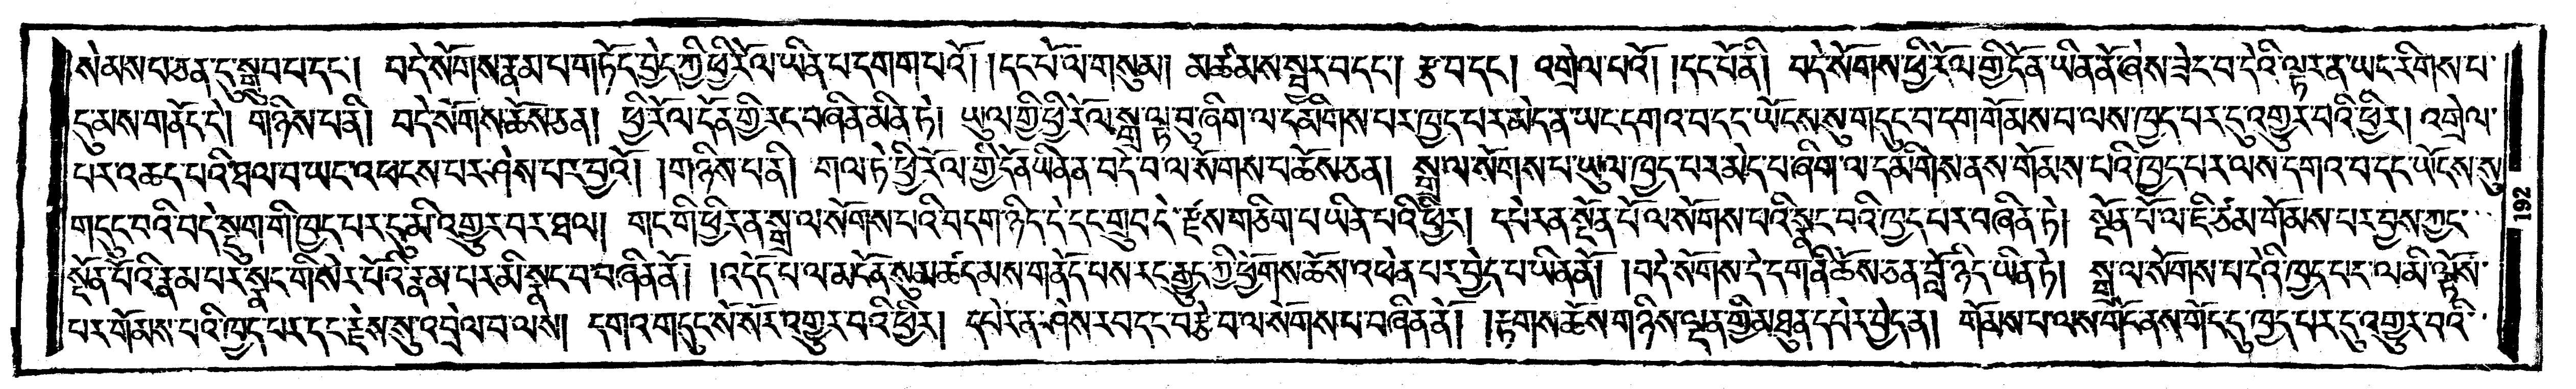སེམས་པ་ཅན་དུ་སྒྲུབ་པ་དང་། བདེ་སོགས་རྣམ་པ་གཏོད་བྱེད་ཀྱི་ཕྱི་རོལ་ཡིན་པ་དགག་པའོ། །དང་པོ་ལ་གསུམ། མཚམས་སྦྱར་བ་དང་། རྩ་བ་དང་། འགྲེལ་པའོ། །དང་པོ་ནི། བདེ་སོགས་ཕྱི་རོལ་གྱི་དོན་ཡིན་ནོ་ཞེས་ཟེང་?་བ་དེའི་ལྟར་ན་ཡང་རིགས་པ་
དུ་མས་གནོད་དེ། གཉིས་པ་ནི། བདེ་སོགས་ཆོས་ཅན། ཕྱི་རོལ་དོན་གྱི་རང་བཞིན་མིན་ཏེ། ཡུལ་གྱི་ཕྱི་རོལ་སྒྲ་ལྟ་བུ་ཞིག་ལ་དམིགས་པར་ཁྱད་པར་མེད་ན་ཡང་དགའ་བ་དང་ཡོངས་སུ་གདུང་བ་དག་གོམས་པ་ལས་ཁྱད་པར་དུ་འགྱུར་བའི་ཕྱིར། འགྲེལ་
པར་འཆད་པའི་ཐལ་བ་ཡང་འཕངས་པར་ཤེས་པར་བྱའོ། །གཉིས་པ་ནི། གལ་ཏེ་ཕྱི་རོལ་གྱི་དོན་ཡིན་ན་བདེ་བ་ལ་སོགས་པ་ཆོས་ཅན། སྒྲ་ལ་སོགས་པ་ཡུལ་ཁྱད་པར་མེད་པ་ཞིག་ལ་དམིགས་ནས་གོམས་པའི་ཁྱད་པར་ལས་དགའ་བ་དང་ཡོངས་སུ་
གདུང་བའི་བདེ་སྡུག་གི་ཁྱད་པར་དུ་མི་འགྱུར་བར་ཐལ། གང་གི་ཕྱིར་ན་སྒྲ་ལ་སོགས་པའི་བདག་ཉིད་དེ་དང་གྲུབ་དེ་རྫས་གཅིག་པ་ཡིན་པའི་ཕྱིར། དཔེར་ན་སྔོན་པོ་ལ་སོགས་པའི་སྣང་བའི་ཁྱད་པར་བཞིན་ཏེ། སྔོན་པོ་ལ་ཇི་ཙམ་གོམས་པར་བྱས་ཀྱང་
སྔོན་པོའི་རྣམ་པར་སྣང་གི་སེར་པོའི་རྣམ་པར་མི་སྣང་བ་བཞིན་ནོ། །འདོད་པ་ལ་མངོན་སུམ་ཚད་མས་གནོད་པས་རང་རྒྱུད་ཀྱི་ཕྱོགས་ཆོས་འཕེན་པར་བྱེད་པ་ཡིན་ནོ། །བདེ་སོགས་དེ་དག་ནི་ཆོས་ཅན་བློ་ཉིད་ཡིན་ཏེ། སྒྲ་ལ་སོགས་པ་དེའི་ཁྱད་པར་ལ་མི་ལྟོས་
པར་གོམས་པའི་ཁྱད་པར་དང་རྗེས་སུ་འབྲེལ་བ་ལས། དགའ་གདུང་སོ་སོར་འགྱུར་བའི་ཕྱིར། དཔེར་ན་ཤེས་རབ་དང་བརྩེ་བ་ལ་སོགས་པ་བཞིན་ནོ། །རྟགས་ཆོས་གཉིས་ལྡན་གྱི་མཐུན་དཔེར་བྱེད་ན། གོམས་པ་ལས་གོང་ནས་གོང་དུ་ཁྱད་པར་དུ་འགྱུར་བའི་